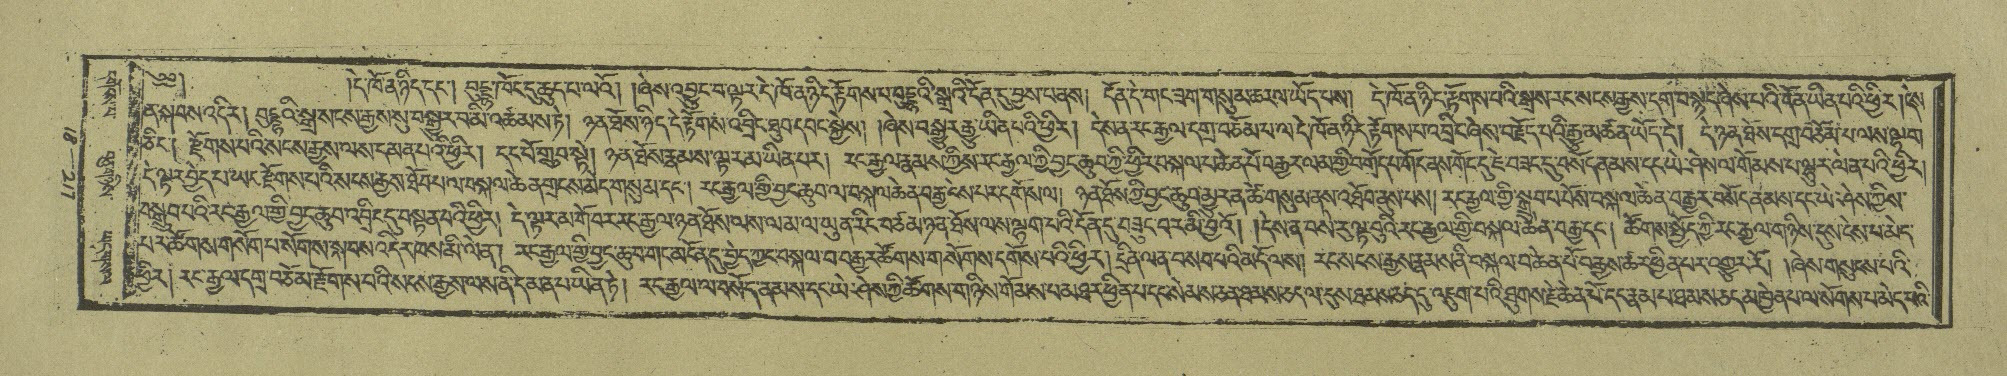༄༅། །དེ་ཁོ་ན་ཉིད་དང་། བུདྡྷ་ཁོང་དུ་ཆུད་པ་ལའོ། །ཞེས་འབྱུང་བ་ལྟར་དེ་ཁོ་ན་ཉིད་རྟོགས་པ་བུདྡྷའི་སྒྲའི་དོན་དུ་བྱས་པ་ནས། །དོན་དེ་གང་ཟག་གསུམ་ཆར་ལ་ཡོད་པས། དེ་ཁོ་ན་ཉིད་རྟོགས་པའི་སྒྲས་རང་སངས་རྒྱས་དག་བསྙད་ཞེས་པའི་དོན་ཡིན་པའི་ཕྱིར། དེས་
ན་སྐབས་འདིར། བུདྡྷའི་སྒྲ་སངས་རྒྱས་སུ་བསྒྱུར་པ་མི་འཚམས་ཏེ། ཉན་ཐོས་ཉིད་དེ་རྟོགས་འབྲིང་ཐུབ་དབང་སྐྱེས། །ཞེས་བསྒྱུར་རྒྱུ་ཡིན་པའི་ཕྱིར། དེས་ན་རང་རྒྱལ་དགྲ་བཅོམ་པ་ལ་དེ་ཁོ་ན་ཉིད་རྟོགས་པ་འབྲིང་ཞེས་བརྗོད་པའི་རྒྱུ་མཚན་ཡོད་དེ། དེ་ཉན་ཐོས་དགྲ་བཅོམ་པ་ལས་ལྷག་
ཅིང་། རྫོགས་པའི་སངས་རྒྱས་ལས་དམན་པའི་ཕྱིར། དང་པོ་གྲུབ་སྟེ། ཉན་ཐོས་རྣམས་ལྟར་མ་ཡིན་པར། རང་རྒྱལ་རྣམས་ཀྱིས་རང་རྒྱལ་གྱི་བྱང་ཆུབ་ཀྱི་ཕྱིར་བསྐལ་བ་ཆེན་པོ་བརྒྱར་ལམ་གྱི་བགྲོད་པ་གོང་ནས་གོང་དུ་ཇེ་བཟང་དུ་བསོད་ནམས་དང་ཡེ་ཤེས་ལ་གོམས་པ་ལྷུར་ལེན་པའི་ཕྱིར།
དེ་ལྟར་བྱེད་པ་ཡང་རྫོགས་པའི་སངས་རྒྱས་ཐོབ་པ་ལ་བསྐལ་ཆེན་གྲངས་མེད་གསུམ་དང་། རང་རྒྱལ་གྱི་བྱང་ཆུབ་ལ་བསྐལ་ཆེན་བརྒྱ་ངེས་པར་དགོས་ལ། ཉན་ཐོས་ཀྱི་བྱང་ཆུབ་མྱུར་ན་ཚེ་གསུམ་ནས་འཐོབ་ནུས་པས། རང་རྒྱལ་གྱི་སྒྲུབ་པ་པོས་བསྐལ་ཆེན་བརྒྱར་བསོད་ནམས་དང་ཡེ་ཤེས་ཀྱིས་
བསྒྲུབ་པའི་རང་རྒྱལ་གྱི་བྱང་ཆུབ་འབྲིང་དུ་བསྟན་པའི་ཕྱིར། དེ་ལྟར་མ་གོ་བར་རང་རྒྱལ་ཉན་ཐོས་ལས་ལམ་ལ་ཡུན་རིང་བ་ཙམ་ཉན་ཐོས་ལས་ལྷག་པའི་དོན་དུ་བཟུང་བར་མི་བྱའོ། །དེས་ན་བསེ་རུ་ལྟ་བུའི་རང་རྒྱལ་གྱི་བསྐལ་ཆེན་བརྒྱ་དང་། ཚོགས་སྤྱོད་ཀྱི་རང་རྒྱལ་གཉིས་དུས་ངེས་པ་མེད་
པར་ཚོགས་གསོག་པ་སོགས་སྐབས་འདིར་ཁས་མི་ལེན། རང་རྒྱལ་གྱི་བྱང་ཆུབ་གང་མངོན་དུ་བྱེད་ཀྱང་བསྐལ་པ་བརྒྱར་ཚོགས་གསོགས་དགོས་པའི་ཕྱིར། དྲིན་ལན་བསབ་པའི་མདོ་ལས། རང་སངས་རྒྱས་རྣམས་ནི་བསྐལ་པ་ཆེན་པོ་བརྒྱས་ཚར་ཕྱིན་པར་འགྱུར་རོ། །ཞེས་གསུངས་པའི་
ཕྱིར། རང་རྒྱལ་དགྲ་བཅོམ་རྫོགས་པའི་སངས་རྒྱས་ལས་ནི་དམན་པ་ཡིན་ཏེ། རང་རྒྱལ་ལ་བསོད་ནམས་དང་ཡེ་ཤེས་ཀྱི་ཚོགས་གཉིས་གོམས་པ་མཐར་ཕྱིན་པ་དང་སེམས་ཅན་ཐམས་ཅད་ལ་དུས་ཐམས་ཅད་དུ་འཇུག་པའི་ཐུགས་རྗེ་ཆེན་པོ་དང་རྣམ་པ་ཐམས་ཅད་མཁྱེན་པ་ལ་སོགས་པ་མེད་པའི་